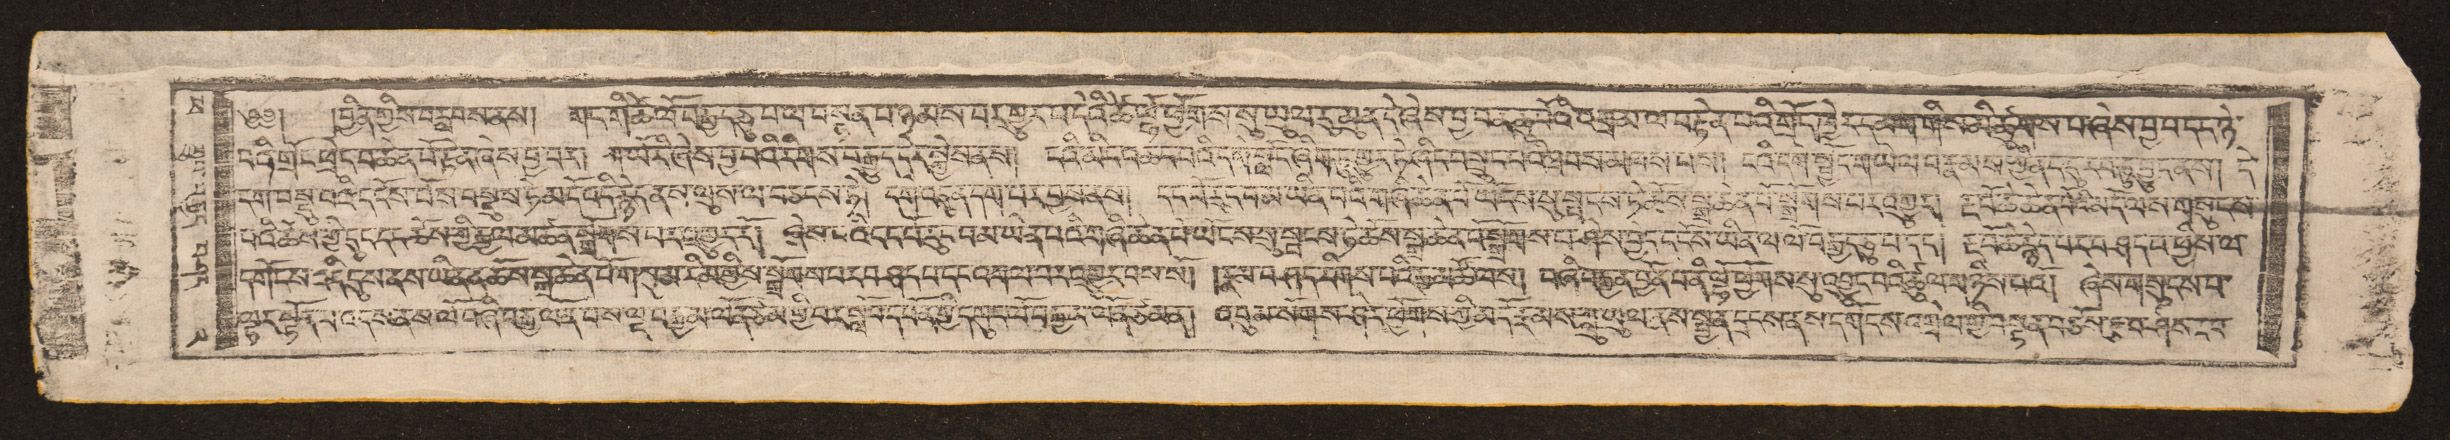༄༅། །བྱིན་གྱིས་བརླབས་ནས། གང་གི་ཚེ་ལོ་བརྒྱད་ཅུ་བ་ལ་བསྟན་པ་ཉམས་པར་གྱུར་པ་དེའི་ཚེ་ལྷོ་ཕྱོགས་སུ་ཡུལ་རུ་མུན་དེ་ཞེས་བྱ་བ་ན་ཆུ་བོའི་འགྲམ་ལ་བརྟེན་པའི་གྲོང་ཁྱེར་དམག་གིས་མི་ཚུགས་པ་ཞེས་བྱ་བ་དང་ཉེ་
བའི་གྲོང་ཕྲེང་བ་ཆེན་པོ་རྟེན་ཞེས་བྱ་བར། ཀ་ཡོ་རི་ཞེས་བྱ་བའི་རིགས་བརྒྱུད་དེར་སྐྱེས་ནས། ངའི་མིང་འཆང་པའི་དགེ་སློང་ཞིག་ཏུ་གྱུར་ཏེ་ཞིང་བསྲུང་པའི་ཐབས་མཁས་པས། དའི་དགེ་སྦྱོང་གཡེལ་བ་རྣམས་ཀྱི་ནང་དུ་རབ་ཏུ་བྱུང་ནས། དེ་
དག་བསྡུ་བའི་དངོས་པོས་བསྡུས་ཏེ་མདོ་འདི་རྙེད་ནས་ལུས་ལ་བཅངས་ཏེ། དགེ་འདུན་དག་པར་བྱས་ནས། དང་པོ་རུང་བ་མ་ཡིན་པའི་གཞི་ཆེན་པོ་ཡོངས་སུ་སྤངས་ཏེ་ཆོས་སྒྲ་ཆེན་པོ་སྒྲོགས་པར་འགྱུར། རྔ་བོ་ཆེ་ཆེན་པོའི་མདོ་ལས་གསུངས་
པའི་ཆོས་ཀྱི་དུང་དང་ཆོས་ཀྱི་རྒྱལ་མཚན་སྒྲོགས་པར་འགྱུར་རོ། ཞེས་པའི་དང་པོ་རུང་པ་མ་ཡིན་པའི་གཞི་ཆེན་པོ་ཡོངས་སུ་སྤངས་ཏེ་ཆོས་སྒྲ་ཆེན་པོ་སྒྲོགས་པ་ཤེས་བྱང་དངོས་ཡིན་ལ་ལོ་བརྒྱད་ཅུ་པ་དང་། རྔ་བོ་ཆེ་རྙེད་པར་བཤད་པ་ཕྱིས་ལ་
དགོངས་འདི་དུས་ནས་ཡིན་ན་ཆོས་སྒྲ་ཆེན་པོ་གསུམ་རིམ་གྱིས་སྒྲོགས་པར་བཤད་པ་དང་འགལ་བར་འགྱུར་བས་སོ། །རྣམ་བཤད་རིགས་པའི་རྒྱ་མཚོ་ལས། བཞི་བརྒྱན་བྱོན་བ་ནི་ལྷོ་ཕྱོགས་སུ་འབྱུང་བའི་ཚུལ་གཉིས་པའོ། ཞེས་གསུངས་པ་
ལྟར་སྟོན་པ་འདས་ནས་ལོ་བཞི་བརྒྱ་ལོན་པས་ལྔ་བརྒྱ་མ་ལོན་ཙམ་གྱི་བར་སློབ་དཔོན་གྱི་དགུང་ལོ་བརྒྱ་མ་ལོན་ཙམ་ན་།འབུམ་སོགས་ཤེར་ཕྱོགས་ཀྱི་མདོ་རྣམས་ཀླུ་ཡུལ་ནས་སྤྱན་དྲངས་ནས་དགོངས་འགྲེལ་གྱི་བསྟན་བཅོས་རྩ་བ་ཤེས་རབ་